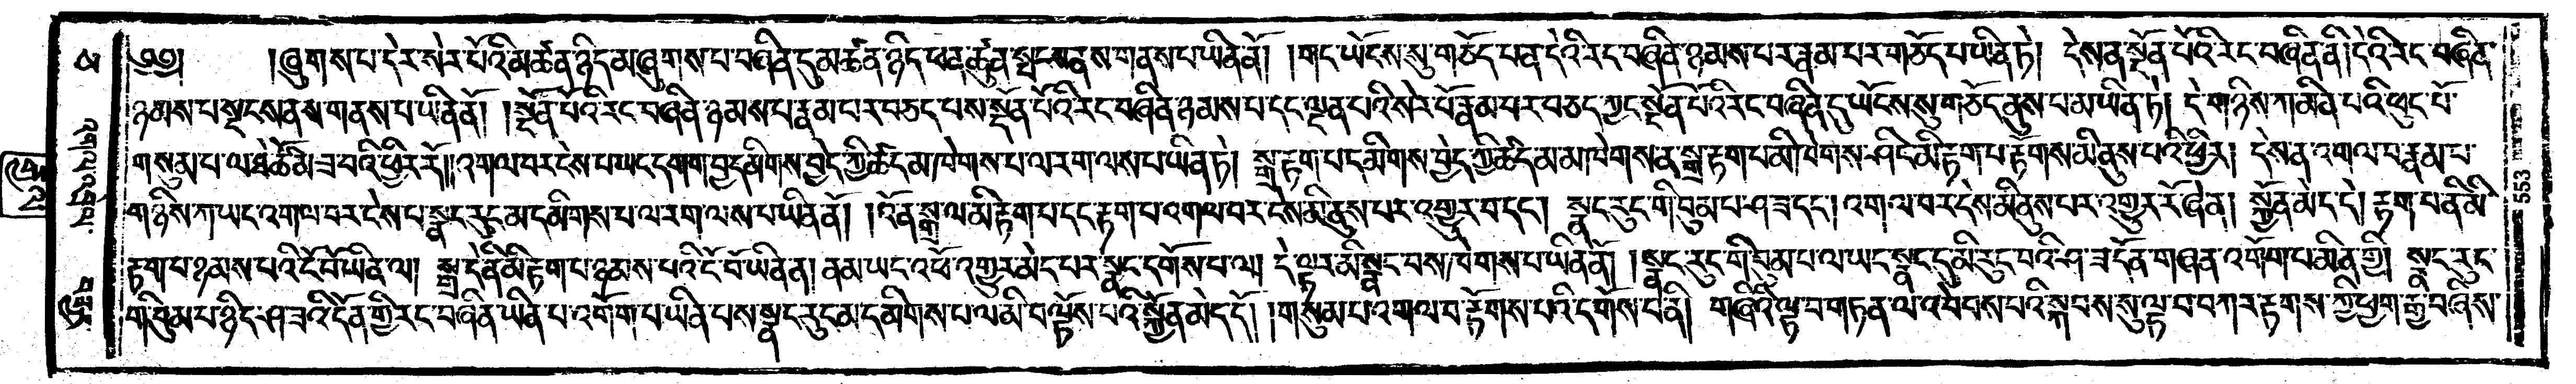༄༅། །ཞུགས་པ་དེར་སེར་པོའི་མཚན་ཉིད་མ་ཞུགས་པ་བཞིན་དུ་མཚན་ཉིད་ཕན་ཚུན་སྤངས་ནས་གནས་པ་ཡིན་ནོ། །གང་ཡོངས་སུ་གཅོད་པ་ན་དེའི་རང་བཞིན་ཉམས་པར་རྣམ་པར་གཅོད་པ་ཡིན་ཏེ། དེས་ན་སྔོན་པོའི་རང་བཞིན་ནི། དེའི་རང་བཞིན་
ཉམས་པ་སྔངས་ནས་གནས་པ་ཡིན་ནོ། །སྔོན་པོའི་རང་བཞིན་ཉམས་པ་རྣམ་པར་བཅད་པས་སྔོན་པོའི་རང་བཞིན་ཉམས་པ་དང་ལྡན་པའི་སེར་པོ་རྣམ་པར་བཅད་ཀྱང་སྔོན་པོའི་རང་བཞིན་དུ་ཡོངས་སུ་གཅོད་ནུས་པ་མ་ཡིན་ཏེ། དེ་གཉིས་ཀ་མིན་པའི་ཕུང་པོ་
གསུམ་པ་ལ་ཐེ་ཚོམ་ཟ་བའི་ཕྱིར་རོ། །འགལ་བར་ངེས་པ་ཡང་དགག་བྱ་དམིགས་བྱེད་ཀྱི་ཚད་མ་ཁེགས་པ་ལ་རག་ལས་པ་ཡིན་ཏེ། སྒྲ་རྟག་པ་དམིགས་བྱེད་ཀྱི་ཚད་མ་མ་ཁེགས་ན་སྒྲ་རྟག་པ་མི་ཁེགས་ཤིང་མི་རྟག་པ་རྟོགས་མི་ནུས་པའི་ཕྱིར། དེས་ན་འགལ་བ་རྣམ་པ་
གཉིས་ཀ་ཡང་འགལ་བར་ངེས་པ་སྣང་རུང་མ་དམིགས་པ་ལ་རག་ལས་པ་ཡིན་ནོ། །འོ་ན་སྒྲ་ལ་མི་རྟག་པ་དང་རྟག་པ་འགལ་བར་ངེས་མི་ནུས་པར་འགྱུར་བ་དང་། སྣང་རུང་གི་བུམ་པ་ཤ་ཟ་དང་། འགལ་བར་དེས་མི་ནུས་པར་འགྱུར་རོ་ཞེ་ན། སྐྱོན་མེད་དེ། རྟག་པ་ནི་མི་
རྟག་པ་ཉམས་པའི་ངོ་བོ་ཡིན་ལ། སྒྲ་དེ་ནི་མི་རྟག་པ་ཉམས་པའི་ངོ་བོ་ཡིན་ན། ནམ་ཡང་འཕོ་འགྱུར་མེད་པར་སྣང་དགོས་པ་ལ། དེ་ལྟར་མི་སྣང་བས་ཁེགས་པ་ཡིན་ནོ། །སྣང་རུང་གི་བུམ་པ་ལ་ཡང་སྣང་དུ་མི་རུང་བའི་ཤ་ཟ་དོན་གཞན་འགོག་པ་མིན་གྱི། སྣང་རུང་
གི་བུམ་པ་ཉིད་ཤ་ཟའི་དོན་གྱི་རང་བཞིན་ཡིན་པ་འགོག་པ་ཡིན་པས་སྣང་རུང་མ་དམིགས་པ་ལ་མི་བལྟོས་པའི་སྐྱོན་མེད་དོ། །གསུམ་པ་འགལ་བ་རྟོགས་པའི་དགོས་པ་ནི། གཞིའི་ལྟ་བ་གཏན་ལ་འབེབས་པའི་སྐབས་སུ་ལྟ་བ་བཀར་རྟགས་ཀྱི་ཕྱག་རྒྱ་བཞིས་